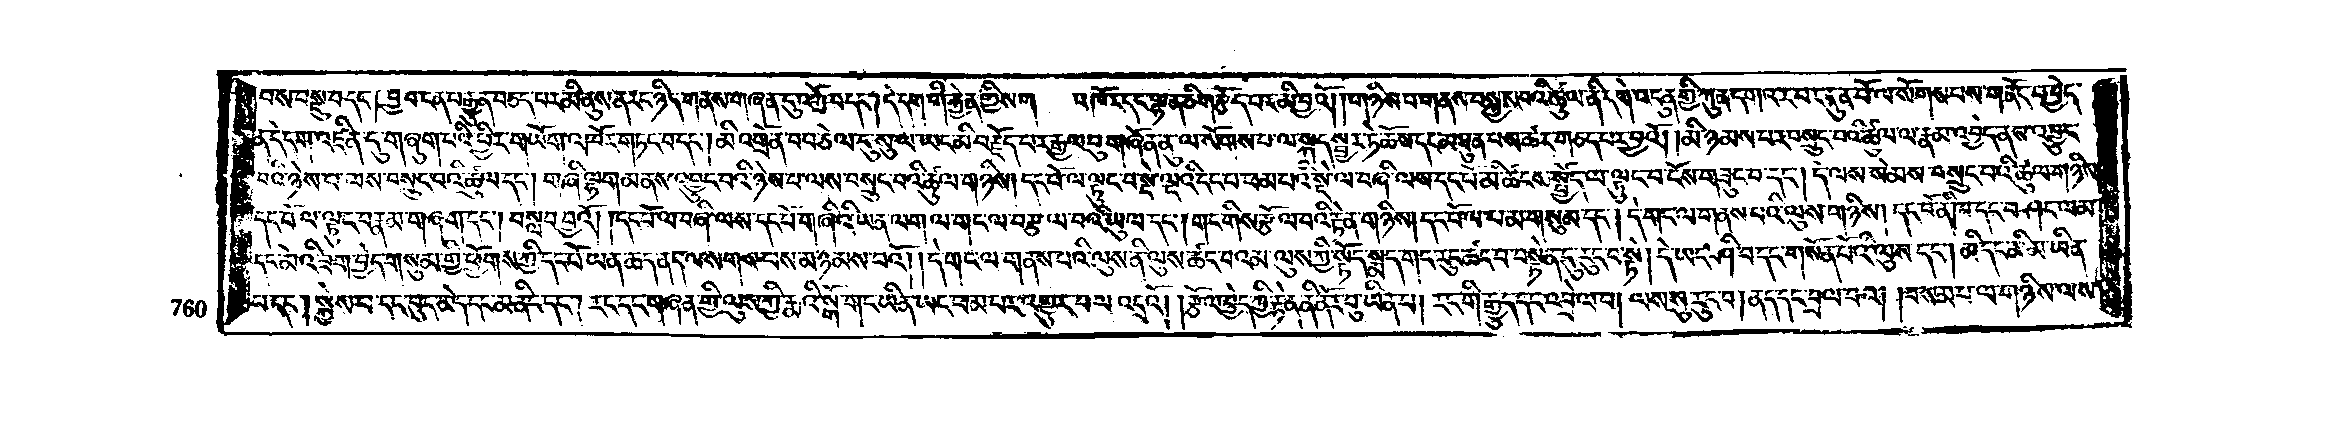བས་བསྡུ་བ་དང་། བྱ་བ་ངན་པ་རྒྱུན་བཅད་པར་མི་ནུས་ན་རང་ཉིད་གནས་གཞན་དུ་འགྲོ་བ་དང་། དེ་དག་གི་རྐྱེན་གྱིས་?་འཁོར་དང་ལྷན་ཅིག་རྩོད་པར་མི་བྱའོ། །གཉིས་པ་གནས་བསྐྱས་བའི་ཚུལ་ནི་དགེ་འདུན་གྱི་ཀུན་དགའ་ར་བ་བདུན་པོ་ལ་སོགས་པས་གནོད་པ་བྱེད་
ན་དེ་དག་འཛིན་དུ་གཞུག་པའི་ཕྱིར་གཡོག་འཁོར་གཏང་བ་དང་། མི་འགྲོ་ན་བབ་ཅེལ་དུ་སུ་ལ་ཡང་མི་བརྗོད་པར་རྒྱལ་བུ་གཞོན་ནུ་ལ་སོགས་པ་ལ་སྐད་སྦྱར་ཏེ་ཆོས་དང་མཐུན་པས་ཚར་གཅད་པར་བྱའོ། །མི་ཉམས་པར་བསྲུང་བའི་ཚུལ་ལ་རྣམ་འབྱེད་ནས་འབྱུང་
བའི་ཉེས་པ་ལས་བསྲུང་བའི་ཚུལ་དང་། གཞི་ལྷག་མ་ནས་འབྱུང་བའི་ཉེས་པ་ལས་བསྲུང་བའི་ཚུལ་གཉིས། དང་པོ་ལ་ལྟུང་བ་སྡེ་ལྔའི་དང་པ་ཕམ་པའི་སྡེ་ལ་བཞི་ལས་དང་པོ་མི་ཚངས་སྤྱོད་ལ་ལྟུང་བ་ངོས་གཟུང་བ་དང་། དེ་ལས་སེམས་བསྲུང་བའི་ཚུལ་གཉིས་
དང་པོ་ལ་ལྟུང་བ་རྣམ་གཞག་དང་། བསླབ་བྱའོ། །དང་པོ་ལ་བཞི་ལས་དང་པོ་གཞིའི་ཡན་ལག་ལ་གང་ལ་བརྩལ་བའི་ཡུལ་དང་། གང་གིས་རྩོལ་བའི་རྟེན་གཉིས། དང་པོ་ལ་པ་མ་གསུམ་དང་། དེ་གང་ལ་གནས་པའི་ལུས་གཉིས། དང་པོ་ནི་ཁ་དང་བཤང་ལམ་
དང་མེའི་ཟག་བྱེད་གསུམ་གྱི་ཕྱོགས་ཀྱི་དང་པོ་ཡན་ཆད་ནད་ལ་སོགས་?་པས་མ་ཉམས་པའོ། །དེ་གང་ལ་གནས་པའི་ལུས་ནི་ལུས་ཚང་བའམ་ལུས་ཀྱི་སྟོད་སྨད་གང་རུང་ཚང་བ་བསྟེན་དུ་རུང་བ་སྟེ། དེ་ཡང་ཤི་བ་དང་གསོན་པོའི་ལུས་དང་། མི་དང་མི་མ་ཡིན་
པ་དང་། སྐྱེས་པ་དང་བུད་མེད་དང་མ་ནིང་དང་། རང་དང་གཞན་གྱི་ལུས་ཀྱི་རྨའི་སྒོ་གང་ཡིན་ཡང་ཕམ་པར་འགྱུར་པ་ལ་འདྲའོ། །རྩོལ་བྱེད་ཀྱི་རྟེན་ནི་ནོར་བུ་ཡིན་པ། རང་གི་རྒྱུད་དང་འབྲེལ་བ། ལས་སུ་རུང་བ། ནད་དང་བྲལ་བའ། །བསམ་པ་ལ་གཉིས་ལས་